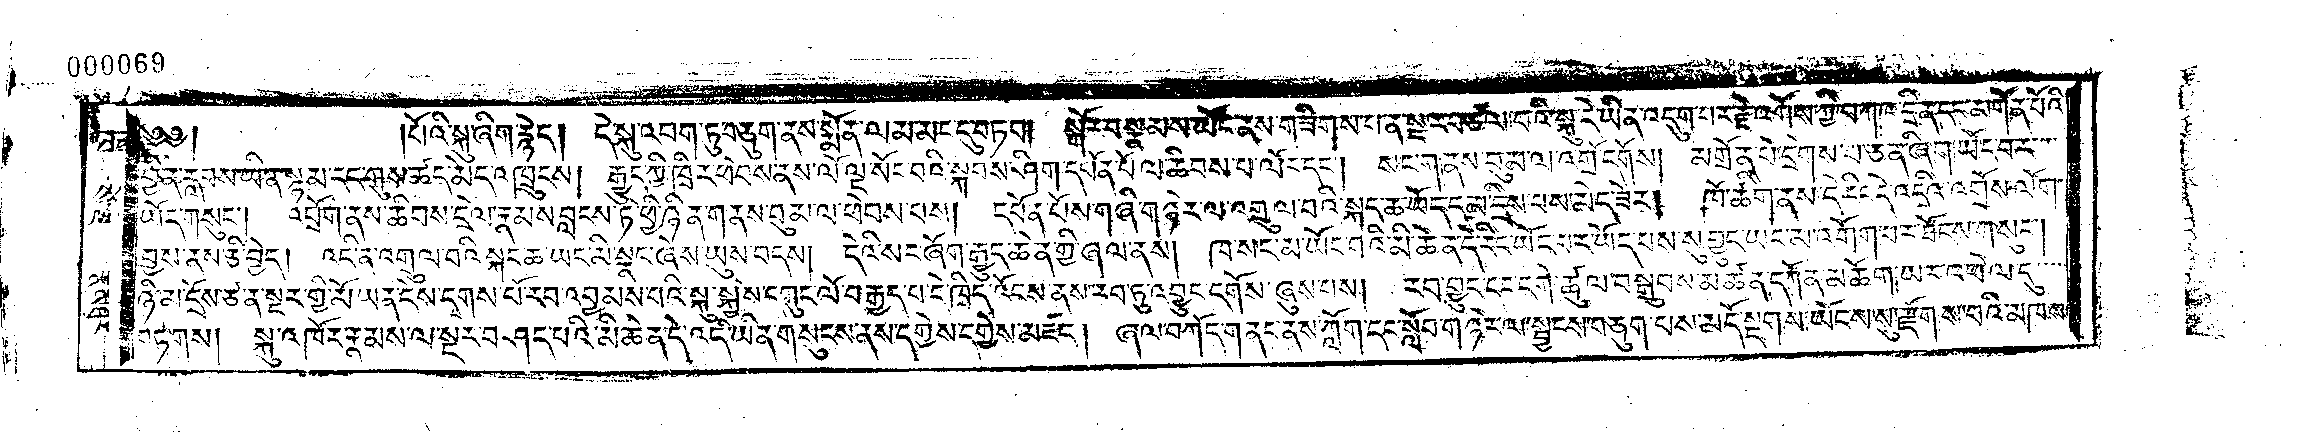༄༅། །པོའི་སྐུ་ཞིག་རྙེད། དེ་སྐུ་འབག་ཏུ་བཅུག་ནས་སྨོན་ལམ་མང་དུ་བཏབ། སྒོར་བསྣམས་ཡོང་ནས་གཟིགས་པ་ན་སྔར་བཙལ་བའི་སྐུ་དེ་ཡིན་འདུག་པར་རྗེ་འགོས་ཀྱི་བཀའ་དྲིན་དང་མགོན་པོའི་
བྱིན་རླབས་ཡིན་སྙམ་དད་གུས་ཚད་མེད་འཁྲུངས། རྒྱུད་ཀྱི་ཁྲིར་ཕེབས་ནས་ལོ་ལྔ་སོང་བའི་སྐབས་ཤིག་དབོན་པོ་ལ་ཆིབས་པ་ལོང་དང་། སང་གནས་བུམ་ལ་འགྲོ་དགོས། མགྲོན་པོ་དྲེགས་པ་ཅན་ཞིག་ཡོང་བར་
ཡོད་གསུང་། འབྲོག་ནས་ཆིབས་དྲེལ་རྣམས་བླངས་ཏེ་ཕྱི་ཉིན་གནས་བུམ་ལ་ཕེབས་པས། དབོན་པོས་གཞི་གཉེར་ལ་འགྲུལ་བའི་སྐད་ཆ་ཡོད་དམ་དྲིས་པས་མེད་ཟེར། ཁོ་ཚིག་ནས་དེ་རིང་དེ་འདྲའི་འགྲོས་ལོག་
བྱས་ནས་ཅི་བྱེད། འདི་ན་འགྲུལ་བའི་སྐད་ཆ་ཡང་མི་སྣང་ཞེས་ཡུས་བདས། དེའི་སང་ཞོག་རྒྱུད་ཆེན་གྱི་ཞལ་ནས། ཁ་སང་མ་ཡོང་བའི་མི་ཆེན་དེ་རིང་ཡོང་བར་ཡོད་པས་སུ་བྱུང་ཡང་མ་འགོག་པར་ཐོངས་གསུང་།
ཉི་མ་དྲོས་ཙ་ན་སྔར་གྱི་མོ་ཡན་དེས་དྭགས་པོ་རབ་འབྱམས་པའི་སྐུ་སྐྱེས་དགུང་ལོ་བརྒྱད་པ་དེ་ཁྲིད་འོངས་ནས་རབ་ཏུ་འབྱུང་དགོས་ཞུས་པས། རབ་བྱུང་དང་དགེ་ཚུལ་བསྒྲུབས་མཚན་དཀོན་མཆོག་ཡར་འཕེལ་དུ་
བཏགས། སྐུ་འཁོར་རྣམས་ལ་སྔར་བཤད་པའི་མི་ཆེན་དེ་འདི་ཡིན་གསུངས་ནས་དགྱེས་དགྱེས་མཛད། ཞལ་བཀོད་གནང་ནས་ཀློག་དང་སློབ་གཉེར་ལ་སྦྱངས་བཅུག་པས་མདོ་སྔགས་ཡོངས་སུ་རྫོགས་པའི་མཁས་